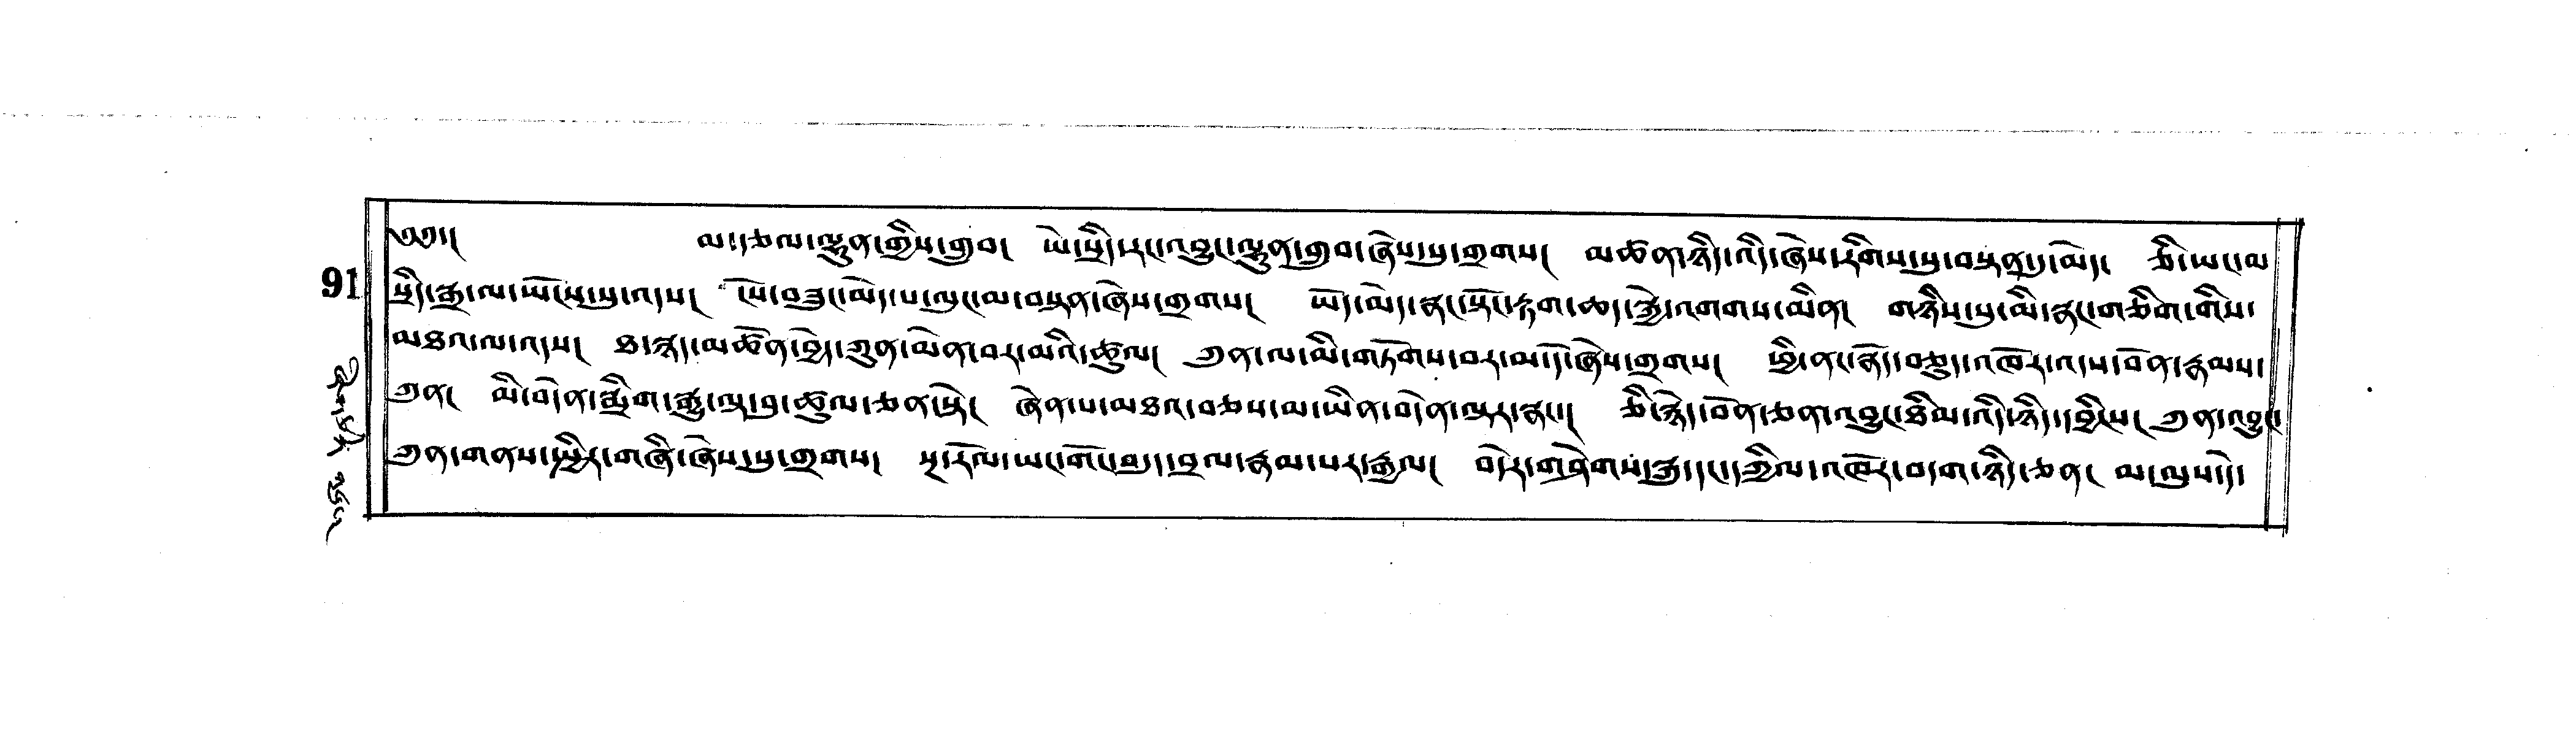མ་བརྩལ་ལྷུན་གྱིས་གྲུབ། ཡེ་སྲིད་རང་འབྱུང་ལྷུན་གྲུབ་ཞེས་སུ་གྲགས། མཚན་ཉིད་འདི་ཞེས་རིགས་སུ་བསྟན་དུ་མེད། ཅི་ཡང་མ་
སྲིད་སྒྲ་ལ་ཡོངས་སུ་འདས། ངོས་བཟུང་མེད་པ་ལུང་མ་བསྟན་ཞེས་གྲགས། ཡོད་མེད་སྣང་སྟོང་རྟག་ཆད་སྐྱེ་འགག་མིན། གཉིས་སུ་མི་སྣང་གཅིག་གི་
མཐའ་ལས་འདས། ཐ་སྙད་མཚོན་བྱེད་ཀུན་མེན་འབར་མའི་ཚུལ། ཀུན་ལ་མི་གཏོགས་བར་མ་དོ་ཞེས་གྲགས། ཕྱི་ནང་སྣོད་བཅུད་འཁོར་འདས་བོན་རྣམས་
ཀུན། མི་བདེན་སྨྲིག་སྒྱུ་ལྟ་བུ་ཚུལ་ཅན་སྟེ། ཞེན་པ་མཐའ་ཅན་མ་ཡིན་བདེན་པར་སྣང་། ཅི་སྙེད་བོན་ཅན་འབྱུང་ཐིམ་འདི་ཉིད་དབྱིངས། ཀུན་འབྱུང་
ཀུན་གནས་སྤྱིར་གཞི་ཞེས་སུ་གྲགས། སྔ་རོལ་ཡང་གོང་བདུད་བྲལ་རྣམ་པར་རྒྱལ། བདེར་གཤེགས་སྐུ་དང་དཀྱིལ་འཁོར་བདག་ཉིད་ཅན། མ་ལུས་དེ་